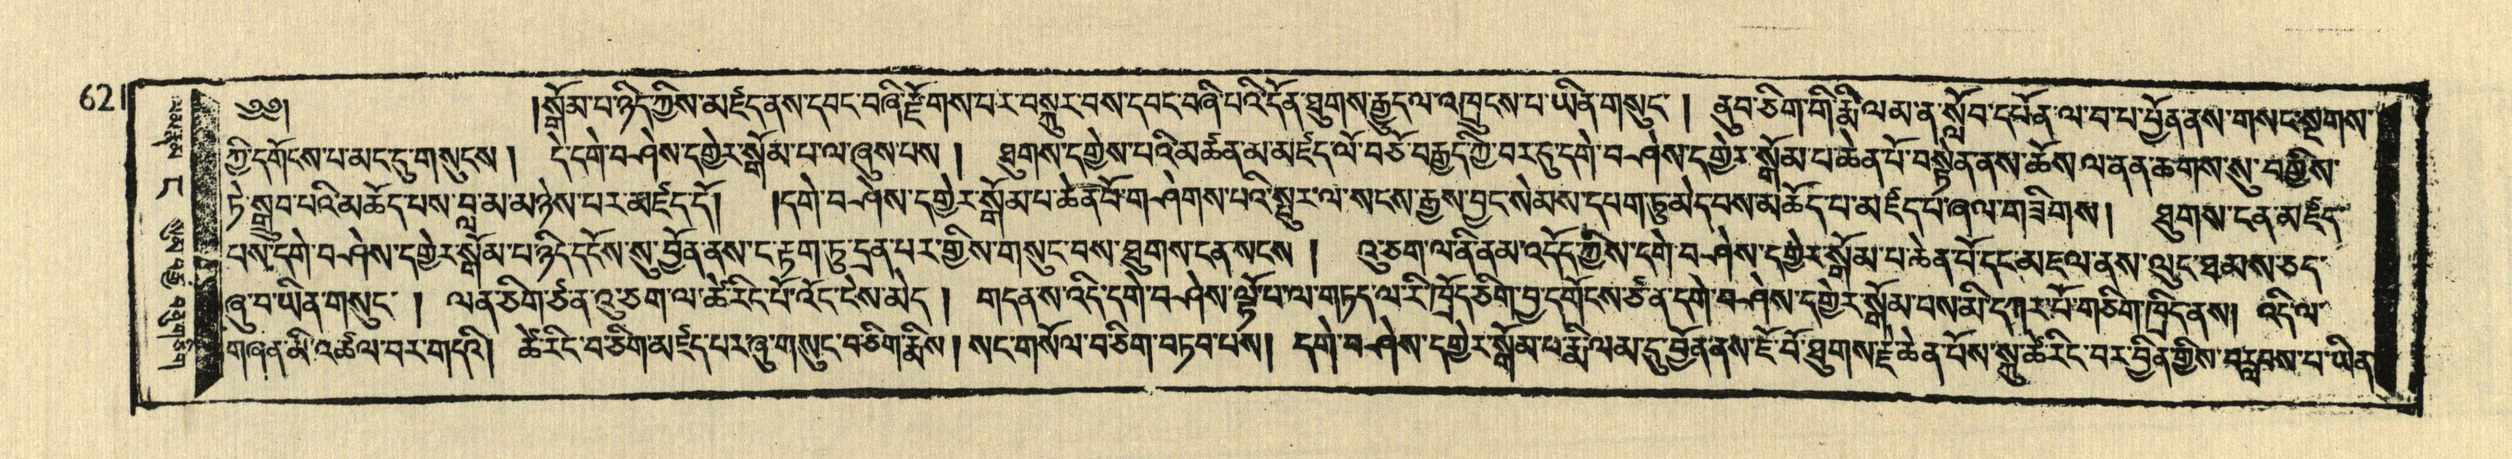༄༅། །སྒོམ་པ་ཉིད་ཀྱིས་མཛད་ནས་དབང་བཞི་རྫོགས་པར་བསྐུར་བས་དབང་བཞི་པའི་དོན་ཐུགས་རྒྱུད་ལ་འཁྲུངས་པ་ཡིན་གསུང་། ནུབ་ཅིག་གི་རྨི་ལམ་ན་སློབ་དཔོན་ལ་བ་པ་བྱོན་ནས་གསང་སྔགས་
ཀྱི་དགོངས་པ་མང་དུ་གསུངས། དེ་དགེ་བཤེས་དགྱེར་སྒོམ་པ་ལ་ཞུས་པས། ཐུགས་དགྱེས་པའི་མཚན་མ་མཛད་ལོ་བཅོ་བརྒྱད་ཀྱི་བར་དུ་དགེ་བཤེས་དགྱེར་སྒོམ་པ་ཆེན་པོ་བསྟེན་ནས་ཆོས་ལ་ནན་ཆགས་སུ་བགྱིས་
ཏེ་སྒྲུབ་པའི་མཆོད་པས་བླ་མ་མཉེས་པར་མཛད་དོ། །དགེ་བཤེས་དགྱེར་སྒོམ་པ་ཆེན་པོ་གཤེགས་པའི་སྤུར་ལ་སངས་རྒྱས་བྱང་སེམས་དཔག་ཏུ་མེད་བས་མཆོད་པ་མཛད་པ་ཞལ་གཟིགས། ཐུགས་ངན་མཛད་
པས་དགེ་བཤེས་དགྱེར་སྒོམ་པ་ཉིད་དངོས་སུ་བྱོན་ནས་ང་རྟག་ཏུ་དྲན་པར་གྱིས་གསུང་བས་ཐུགས་ངན་སངས། འུ་ཅག་ལ་ནི་ནམ་འདོད་ཀྱིས་དགེ་བཤེས་དགྱེར་སྒོམ་པ་ཆེན་པོ་དང་མཇལ་ནས་ལུང་ཐམས་ཅད་
ཞུ་བ་ཡིན་གསུང་། ལན་ཅིག་ཙ་ན་འུ་ཅག་ལ་ཚེ་རིང་པོ་འོང་ངེས་མེད། གདན་ས་འདི་དགེ་བཤེས་ལྷོ་པ་ལ་གཏད་ལ་རི་ཁྲོད་ཅིག་བྱ་དགོངས་ཙ་ན་དགེ་བཤེས་དགྱེར་སྒོམ་པས་མི་དཀར་པོ་གཅིག་ཁྲིད་ནས། འདི་ལ་
གཞན་མི་འཚལ་བར་གདའི། ཚེ་རིང་བ་ཅིག་མཛད་པར་ཞུ་གསུང་བ་ཅིག་རྨིས། སང་གསོལ་བ་ཅིག་བཏབ་པས། དགེ་བཤེས་དགྱེར་སྒོམ་པ་རྨི་ལམ་དུ་བྱོན་ནས་ཇོ་བོ་ཐུགས་རྗེ་ཆེན་པོས་སྐུ་ཚེ་རིང་བར་བྱིན་གྱིས་བརླབས་པ་ཡིན་